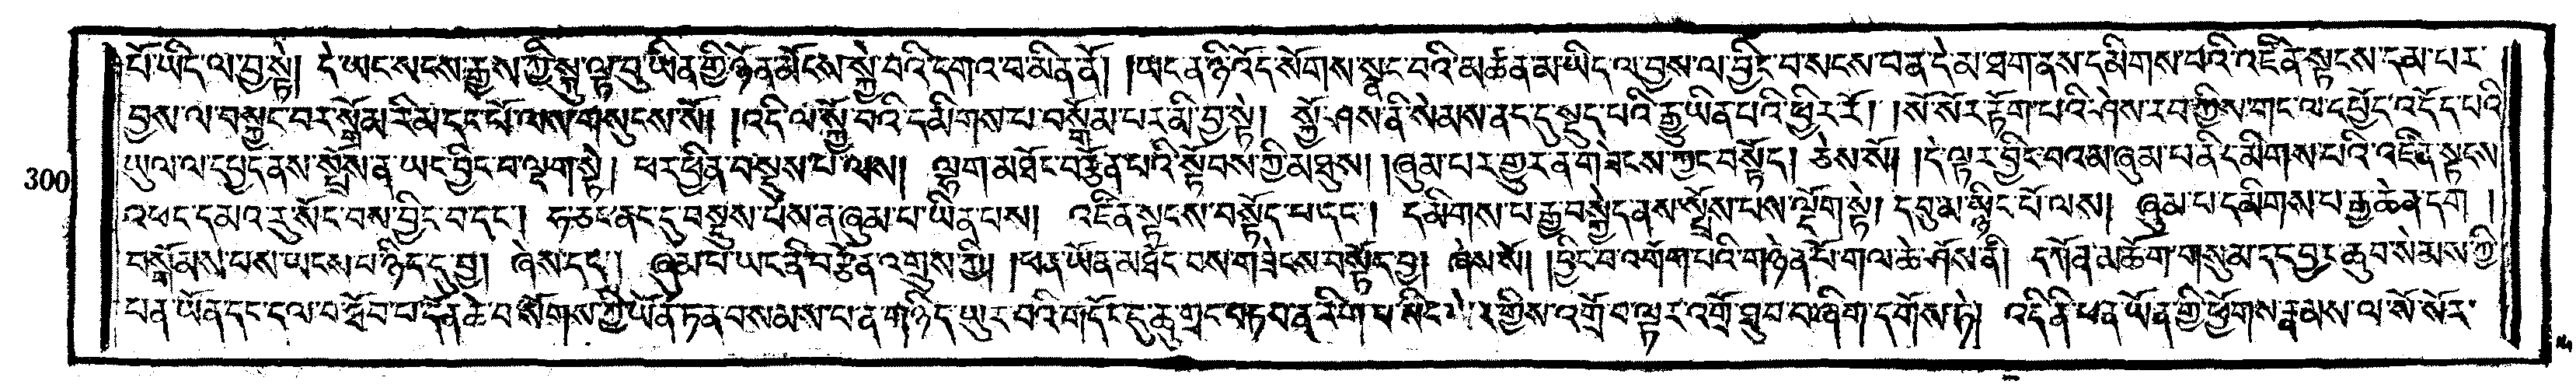པོ་ཡིད་ལ་བྱ་སྟེ། དེ་ཡང་སངས་རྒྱས་ཀྱི་སྐུ་ལྟ་བུ་ཡིན་གྱི་ཉོན་མོངས་སྐྱེ་བའི་དགའ་བ་མིན་ནོ། །ཡང་ན་ཉི་འོད་སོགས་སྣང་བའི་མཚན་མ་ཡིད་ལ་བྱས་ལ་བྱིང་བ་སངས་བ་ན་དེ་མ་ཐག་ནས་དམིགས་པའི་འཛིན་སྟངས་དམ་པར་
བྱས་ལ་བསྐྱང་བར་སྒོམ་རིམ་དང་པོ་ལས་གསུངས་སོ། །འདི་ལ་སྐྱོ་བའི་དམིགས་པ་བསྒོམ་པར་མི་བྱ་སྟེ། སྐྱོ་ཤས་ནི་སེམས་ནང་དུ་སྡུད་པའི་རྒྱུ་ཡིན་པའི་ཕྱིར་རོ། །སོ་སོར་རྟོག་པའི་ཤེས་རབ་ཀྱིས་གང་ལ་དཔྱོད་འདོད་པའི་
ཡུལ་ལ་དཔྱད་ནས་སྤྲོས་ན་ཡང་བྱིང་བ་ལྡག་སྟེ། ཕར་ཕྱིན་བསྡུས་པ་ལས། ལྷག་མཐོང་བརྩོན་པའི་སྟོབས་ཀྱི་མཐུས། །ཞུམ་པར་གྱུར་ན་གཟེངས་ཀྱང་བསྟོད། ཅེས་སོ། །དེ་ལྟར་བྱིང་བའམ་ཞུམ་པ་ནི་དམིགས་པའི་འཛིན་སྟངས་
འཕང་དམའ་རུ་སོང་བས་བྱིང་བ་དང་། ཧ་ཅང་ནང་དུ་བསྡུས་པས་ན་ཞུམ་པ་ཡིན་པས། འཛིན་སྟངས་བསྟོད་པ་དང་། དམིགས་པ་རྒྱ་བསྐྱེད་ནས་སྤྲོས་པས་ལྡོག་སྟེ། དབུ་མ་སྙིང་པོ་ལས། ཞུམ་པ་དམིགས་པ་རྒྱ་ཆེན་དག།
བསྒོམས་པས་ཡངས་པ་ཉིད་དུ་བྱ། ཞེས་དང་། ཞུམ་པ་ཡང་ནི་བརྩོན་འགྲུས་ཀྱི། །ཕན་ཡོན་མཐོང་བས་གཟེངས་བསྟོད་བྱ། ཞེས་སོ། །བྱིང་བ་འགོག་པའི་གཉེན་པོ་གལ་ཆེ་ཤོས་ནི། དཀོན་མཆོག་གསུམ་དང་བྱང་ཆུབ་སེམས་ཀྱི་
པན་ཡོན་དང་དལ་བ་ཐོབ་བ་དོན་ཆེ་བ་སོགས་ཀྱི་ཡོན་ཏན་བསམས་པ་ན་གཉིད་ཡུར་བའི་གདོང་དུ་ཆུ་གྲང་བཏབ་ན་རིགས་པ་སིང་ཡེར་གྱིས་འགྲོ་བ་ལྟར་འགྲོ་ཐུབ་བ་ཞིག་དོགས་ཏེ། འདི་ནི་ཕན་ཡོན་གྱི་ཕྱོགས་རྣམས་ལ་སོ་སོར་